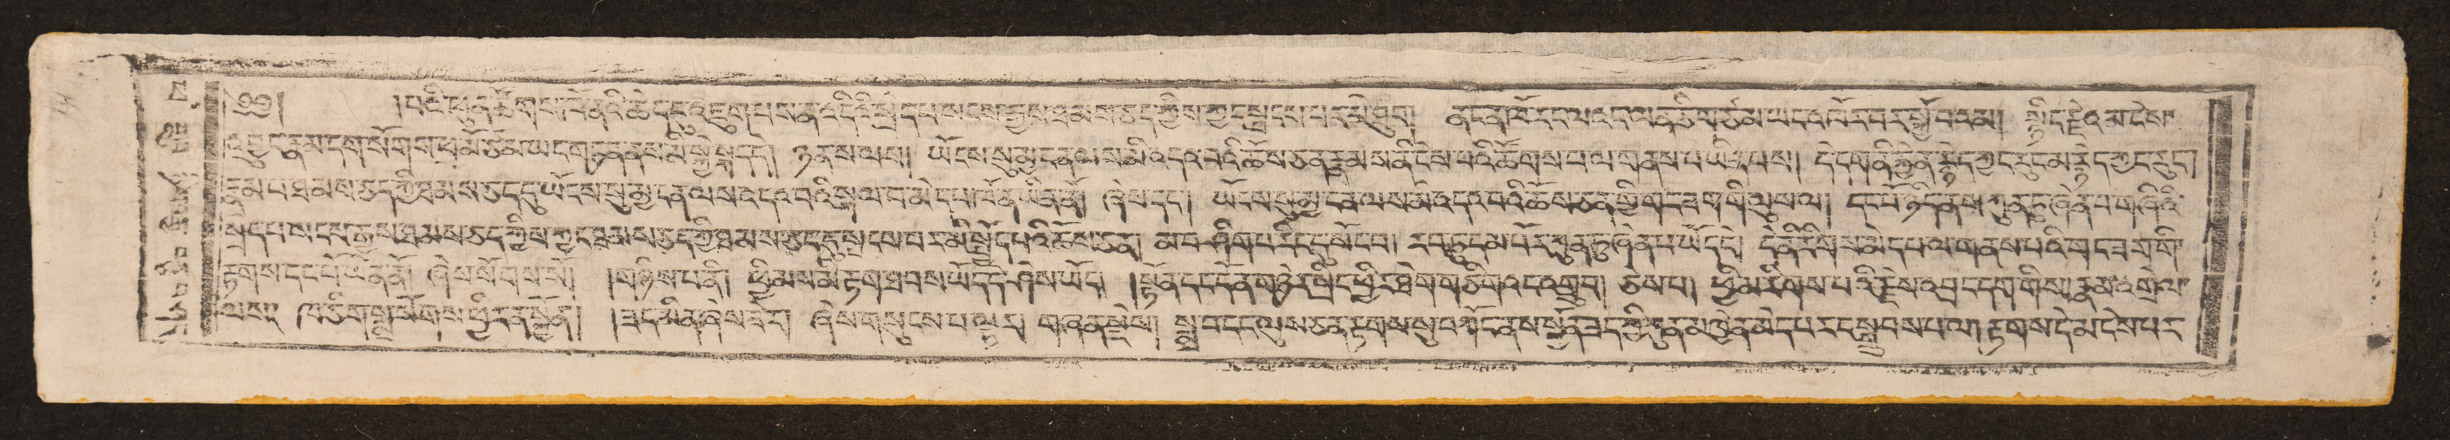༄༅། །པའི་ཕུན་ཚོགས་ཁོ་ནའི་ཆེད་དུ་འཇུག་པས་ན་འདིའི་སྲེད་པ་སངས་རྒྱས་ཐམས་ཅད་ཀྱིས་ཀྱང་སྤངས་པར་མི་ཐུབ། ནང་ན་ཁོ་རང་ལའང་ལན་ཅིག་ཙམ་ཡང་འཁོར་བར་སྐྱོ་བའམ། སྙིང་རྗེའམ་ངེས་
འབྱུང་རྣམ་དག་སོགས་ཕྲ་མོ་ཙམ་ཡང་གཏན་ནས་མི་སྐྱེ་སྐད་དེ། ཉན་ས་ལས། ཡོངས་སུ་མྱ་ངན་ལས་མི་འདའ་བའི་ཆོས་ཅན་རྣམས་ནི་ངེས་པའི་ཚོགས་པ་ལ་གནས་པ་ཡིན་པས། དེ་དག་ནི་རྐྱེན་རྙེད་ཀྱང་རུང་མ་རྙེད་ཀྱང་རུང་།
རྣམ་པ་ཐམས་ཅད་ཀྱི་ཐམས་ཅད་དུ་ཡོངས་སུ་མྱ་ངན་ལས་འདའ་བའི་སྐལ་བ་མེད་པ་ཁོ་ན་ཡིན་ནོ། ཞེས་དང་། ཡོངས་སུ་མྱ་ངན་ལས་མི་འདའ་བའི་ཆོས་ཅན་གྱི་གང་ཟག་གི་ལུས་ལ། དང་པོ་ཉིད་ནས་ཀུན་ཏུ་ཞེན་པ་གཞིའི་
སྲེད་པ་སངས་རྒྱས་ཐམས་ཅད་ཀྱིས་ཀྱང་ཐམས་ཅད་ཀྱི་ཐམས་ཅད་དུ་སྤངས་པར་མི་སྤྱོད་པའི་ཆོས་ཅན། མ་བཤིག་པ་རིང་དུ་སོང་བ། རབ་ཏུ་དམ་པོར་ཀུན་ཏུ་ཞེན་པ་ཡོད་དེ། དེ་ནི་རིགས་མེད་པ་ལ་གནས་པའི་གང་ཟག་གི་
རྟགས་དང་པོ་ཡིན་ནོ། ཞེས་སོགས་སོ། །གཉིས་པ་ནི། ཕྱི་མས་མི་རྟག་ཐབས་ཡོད་དེ་ཤེས་ཡོད། །སྟོན་དང་དོན་གཉེར་སྲིད་ཕྱིར་ཐེག་གཅིག་འང་འགྲུབ། ཅེས་པ། ཕྱི་མ་རིགས་པའི་རྗེས་འབྲང་དག་གིས་རྣམ་འགྲེལ་
ལས༑ ཁ་ཅིག་སྨྲ་སོགས་ཕྱིར་ན་སྐྱོན། །ཟད་མིན་ཞེས་ཟེར། ཞེས་གསུངས་པ་ལྟར། གཞན་སྡེས། སྨྲ་བ་དང་ལུས་ཅན་རྟགས་སུ་བཀོད་ནས་སྐྱོན་ཟད་ཀྱི་ཀུན་མཁྱེན་མེད་པར་བསྒྲུབས་པ་ལ། རྟགས་དེ་མ་ངེས་པར་